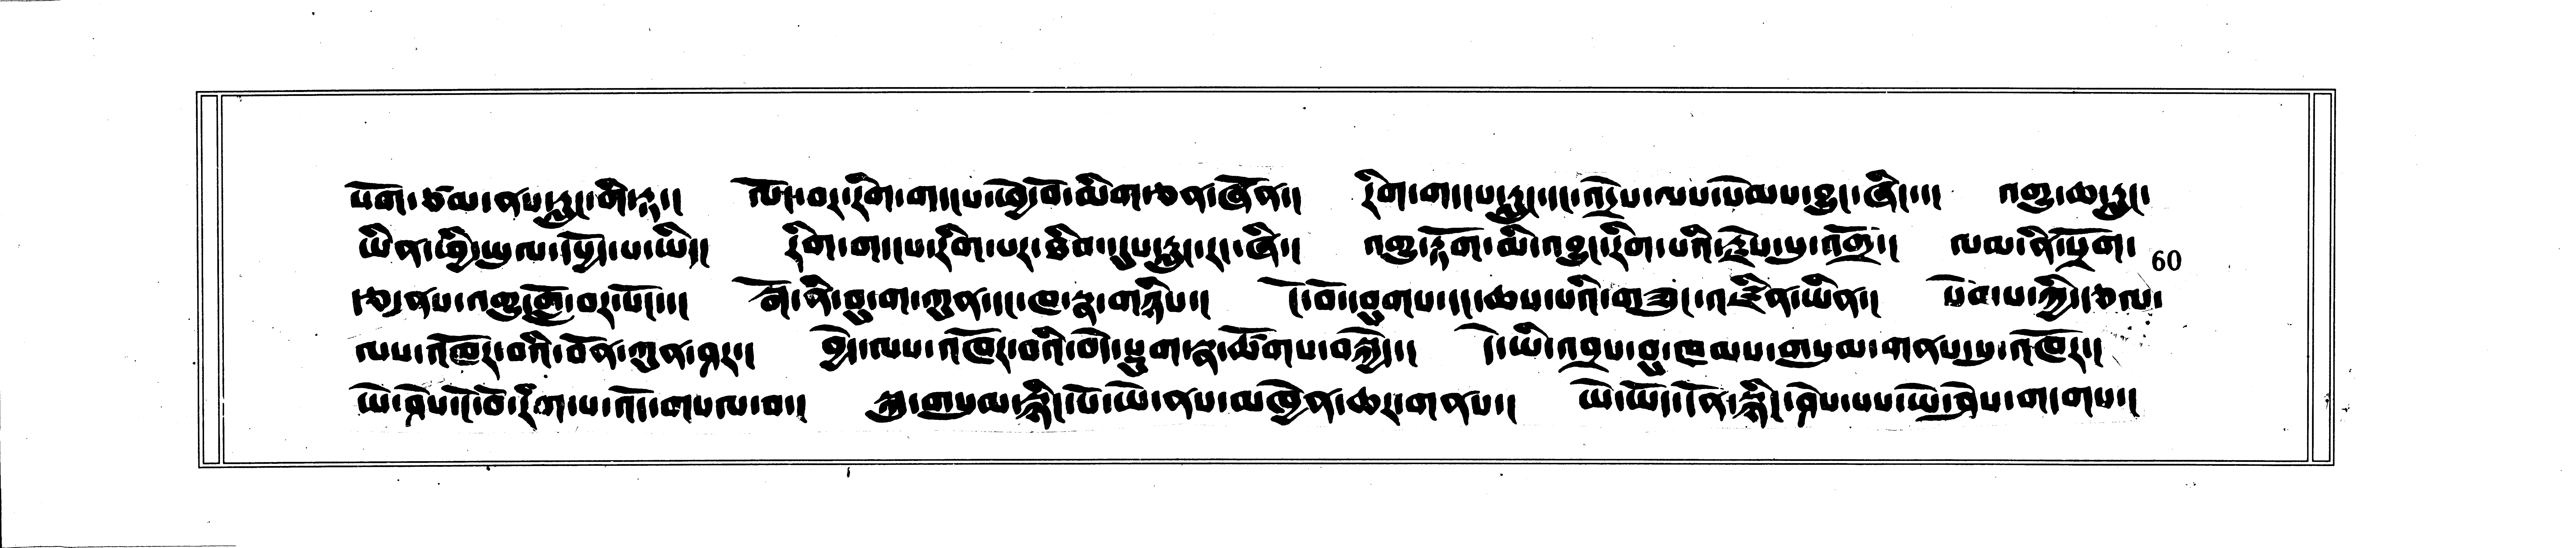སོག་ཙམ་ནས་རླུང་གི་རྟ། །ལོང་བར་རིག་གདང་ཕྱེ་བོ་མིག་ཅན་ཞོན། །རིག་གདངས་རླུང་དང་འདྲེས་ལས་སེམས་བྱུང་ཞིང་། །འགྱུ་ཆ་རླུང་
ཡིན་ཕྱི་ཡུལ་དཔྱོད་པ་ཡིད། །རིག་གདངས་རིག་པར་ཐིམ་དུས་རླུང་རང་ཞི། །འགྱུ་རྟོག་མི་འབྱུང་རིག་པའི་རྗེས་སུ་འགྲོ། །ལམ་ནི་སྲོག་
རྩ་ནས་འགྱུ་གློ་བར་སོང་། །སྒོ་ནི་བུ་ག་ཀུན་དང་ཁ་སྣ་གཉིས། །ངོ་བོ་དབུགས་དང་ཆས་པའི་གཟུང་འཛིན་ཡིན། །སེམས་ཀྱི་རྩལ་
ལས་འཁོར་བའི་བོན་ཀུན་ཤར། །བྱེད་ལས་འཁོར་བའི་བདེ་སྡུག་སྣ་ཚོགས་བསྐྱེད། །དེ་ཡི་འབྲས་བུ་ཁམས་གསུམ་གནས་སུ་འཁོར། །
ཡེ་ཤེས་ངོ་བོ་རིག་པ་འོད་གསལ་བ། །སྐུ་གསུམ་སྙིང་པོ་ཡེ་ནས་མཁྱེན་ཆར་གནས། །ཡེ་ཡོད་དོན་སྙིང་ཤེས་པས་ཡེ་ཤེས་གདགས། །